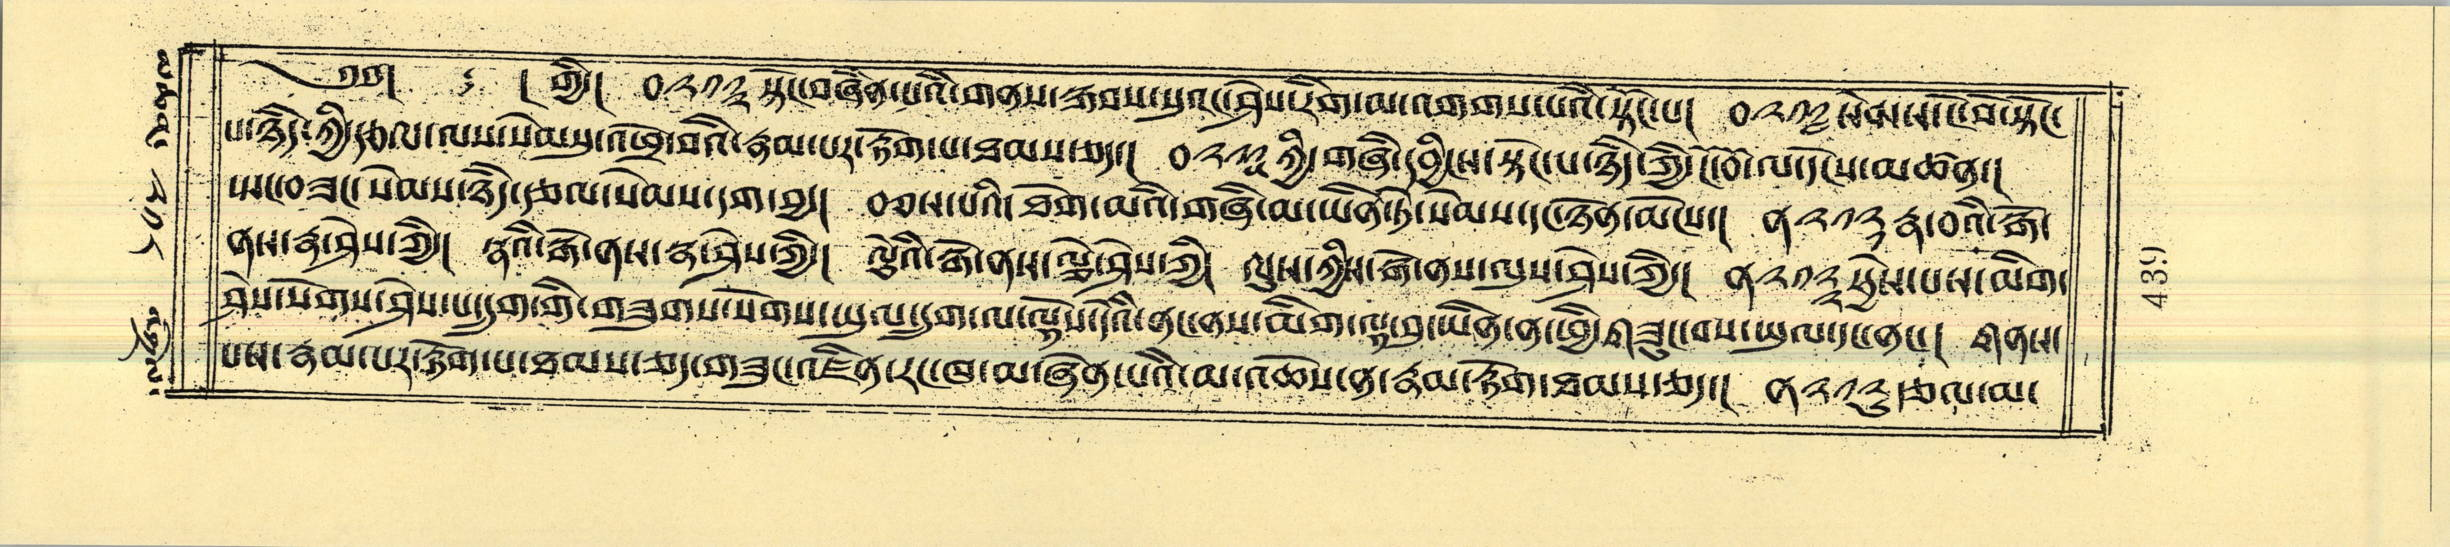གྱི་བ༢༡༡།༢སྟོང་བཞིན་པའི་གནས་སྐབས་སུའང་ཤེས་རིག་མ་འགག་པའི་༼སྟོང་པ༽བ༢༡༡།༤༼སེམས༽ངོ་བོ་སྟོང་
པ་ཉིད་ཀྱི་༼རྩལ༽ལས་སེམས་སུ་འཕྲོ་བའི་རྣམ་པར་རྟོག་པ་ཐམས་ཅད་བ༢༡༡།༥ ཀྱི་དབྱིངས་སྟོང་པ་ཉིད་ཀྱི་ངོ་བོ་ལ་དངོས་མཚན་
༼སྤང་བཟང་༽སེམས་ཉིད་རྩལ་སེམས་དག་བྱ་༼བཅས་པའི༽ཐོག་མའི་གཞི་མ་ཡིན་ཏེ་སེམས་དང་ཉོན་མོངས་ན༢༡༢།༡༼རྣ་བའི༽སྒོ་
ནས་རྣ་ཤེས་ཀྱི་སྣའི་སྒོ་ནས་སྣ་ཤེས་ཀྱི་ལྕེའི་སྒོ་ནས་ལྕེ་ཤེས་ཀྱི་༼ལུས་ཀྱི་༽སྒོ་ནས་ལུས་ཤེས་ཀྱི་ན༢༠༢།༢༼ཕྱེས་པས༽མིག་
ཤེས་སོགས་ཤེས་པ་དྲུག་གི་གཟུགས་སོགས་ཡུལ་དྲུག་ལ་ལྟོས་དེའི་ནང་ནས་མིག་ལྟ་བུ་ཡིན་ན་ཕྱི་༼གཟུང་བས༽ཡུལ་དང་ནང་༼གནས་
པས༽རྣམ་པར་རྟོག་པ་ཐམས་ཅད་གཟུང་འཛིན་རང་ཁ་མ་ཞེན་པའི་མ་འཆོས་ན་རྣམ་རྟོག་ཐམས་ཅད་ན༢༡༢།༦རྩལ་མ་